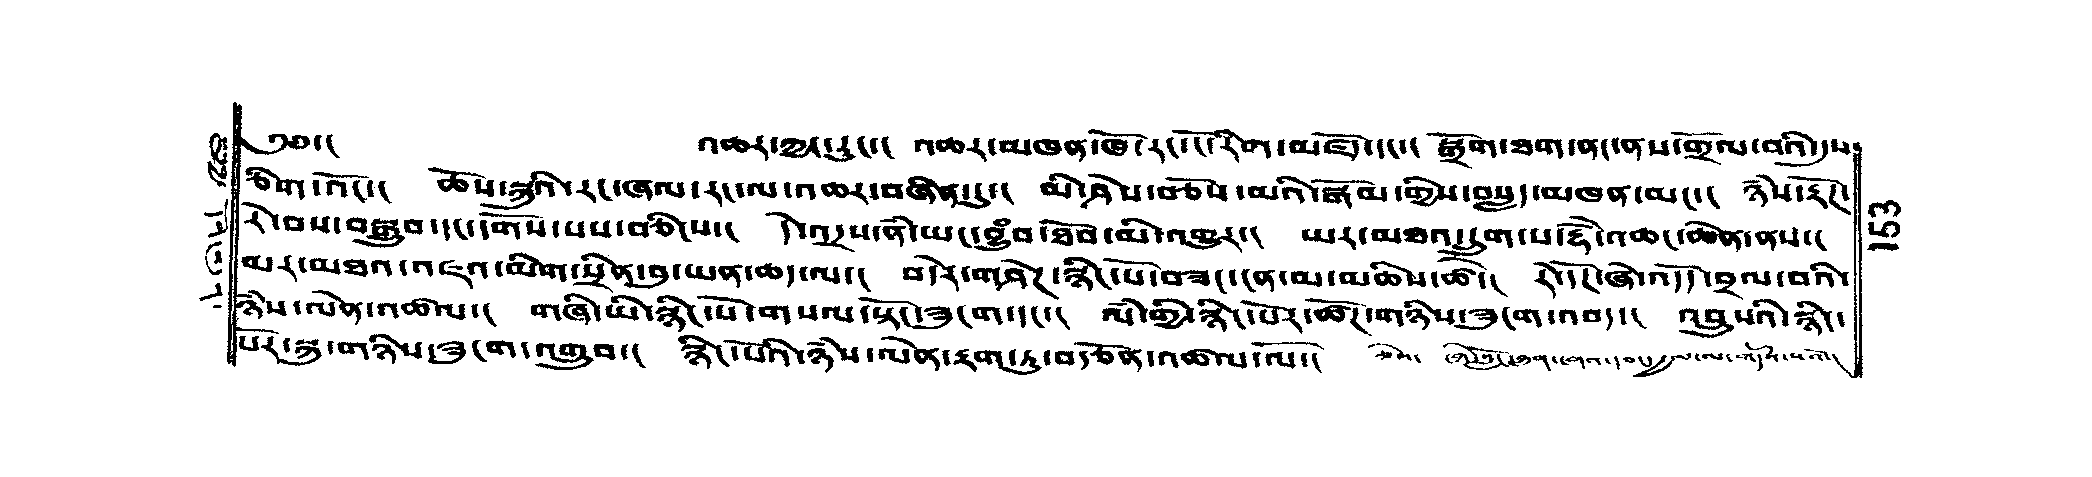འཆར་ཀྱང་རུང་། །འཆར་མཁན་ཁོ་ཡི་རང་ངོ་རིག་མཛོད་དང་། །སྒྲོག་ཐག་ནང་ནས་གྲོལ་བའི་དུས་
ཞིག་འོང་། །ཆོས་སྐུའི་རང་ཞལ་རང་ལ་འཆར་བཞིན་དུ། །མི་ཤེས་བཅོས་མའི་སྒོམ་གྱིས་བསླད་མཁན་མང་། །ཉམས་རྟོགས་
རེ་བས་བསྒྲུབ་དང་དོགས་པས་བཅིངས། །དེ་འདྲས་ནམ་ཡང་བྱང་ཆུབ་ཐོབ་མི་འགྱུར། །ཡར་མཐའ་དྲུག་པ་རྡོ་རྗེ་འཆང་ཆེན་ནས། །
མར་མཐའ་འཇག་མིག་སྲིན་བུ་ཡན་ཆད་ལ། །བདེ་གཤེགས་སྙིང་པོ་བཟང་ངན་མ་མཆིས་ཚེ། །རེ་དོགས་ཞེ་འདོད་བྲལ་བའི་
ཉམས་ལེན་འཚལ། །གཞི་ཡིས་སྙིང་པོ་གསལ་སྟོང་ཟུང་འཇུག་དང་། །ལམ་གྱི་སྙིང་པོར་ཚོགས་གཉིས་ཟུང་འཇུག་འབད། །འབྲས་བུའི་སྙིང་
པོར་སྐུ་གཉིས་ཟུང་འཇུག་འགྲུབ། །སྙིང་པོའི་ཉམས་ལེན་རྟག་ཏུ་བརྩོན་འཚལ་ལོ། །ཅེས་དགེ་སློང་ཀུན་དགའ་དབང་རྒྱལ་ལ་གདམས་པའོ།།